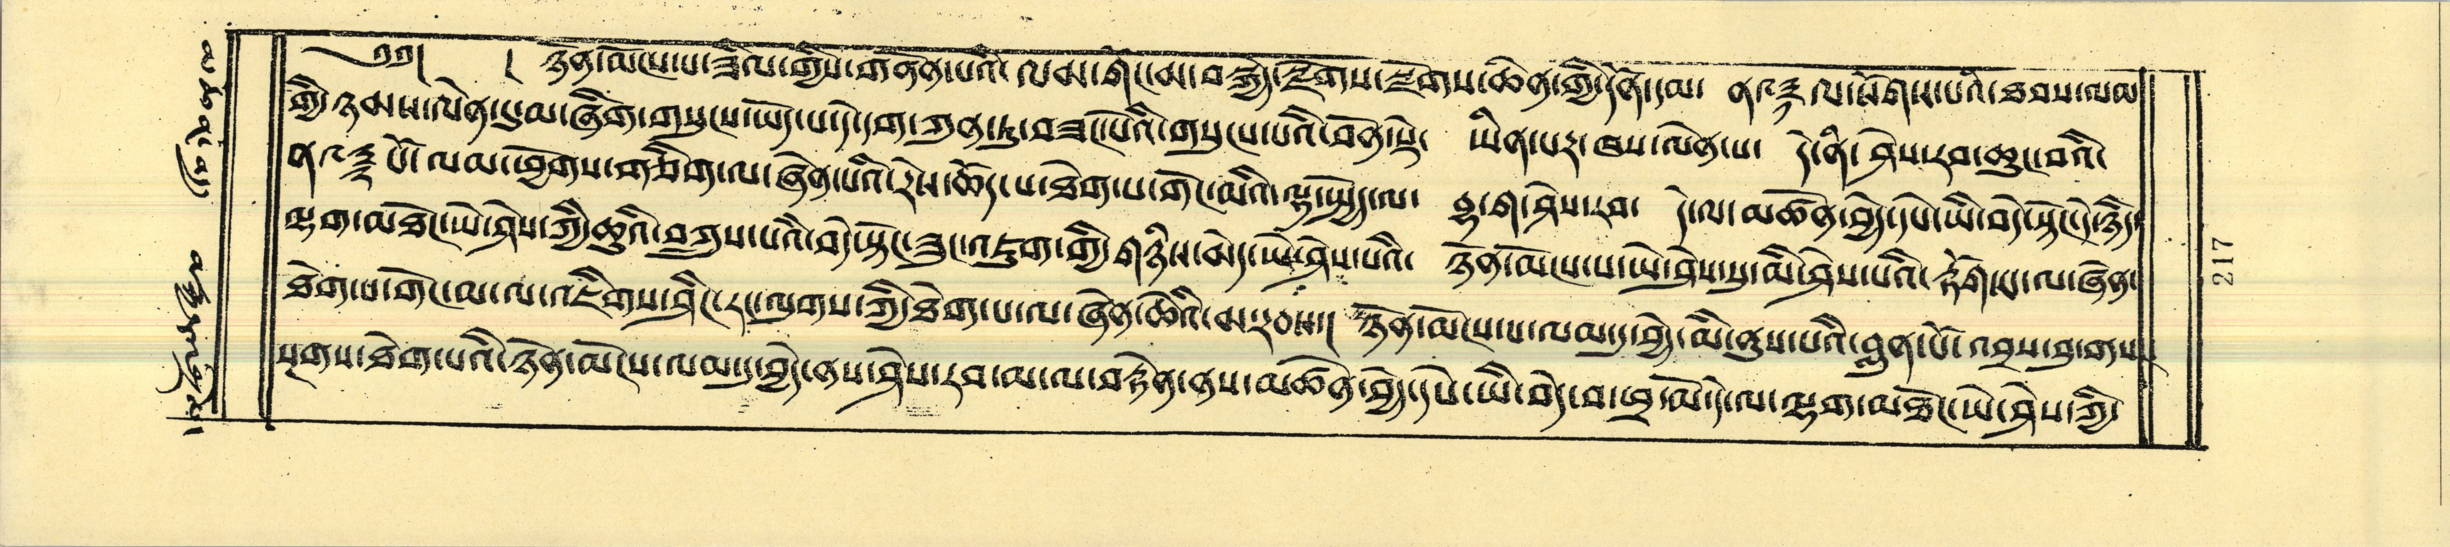ཉོན་མོངས་པ་ཟིལ་གྱིས་གནོན་པའི་ ༼ལམ་གོང་མ་༽བསྐྱེད་སྫོགས་སྫོགས་ཆེན་གྱི་ ༼དོམ་༽དམ་ན༩༣།༡ ༼ལ་སོགས་པའི་༽ཐབས་ལམ་
གྱི་ ༼ཉམས་ལེན་༽དུ་མ་ཞིག་གསུངས་ཡོད་པ་དེ་དག་ཀུན་ཏུ་བཟང་པོའི་གསུངས་པའི་བོན་སྡེ། ༼ཡིན་པར་༽ཁས་ལེན་པ། ༼དེ་ནི་༽ཤེས་རབ་ཆུང་བའི་
ན༩༢།༢ ༼པོ་༽ལམ་ཕྱོགས་གཅིག་ལ་ཞེན་པའི་ ༼རེས་ཆོད་༽པ་ཐེག་པ་གོང་མའི་ལྟ་སྤྱོད་ལ། ༼བྷ་ག་༽ཤེས་རབ། ༼དེ་ལ་༽མཚོན་བྱེད་དཔེ་ཡི་བདེ་སྟོང་དེ་ཉིད་
ལྷག་མཐོང་ཡེ་ཤེས་ཀྱི་ཆུའི་བཀྲུས་པའི་བདེ་སྟོང་ཟུང་འཇུག་གྱི་ ༼གཉིས་མེད་༽ཡེ་ཤེས་པའི། ཉོན་མོངས་པ་ཡེ་ཤེས་སུ་མི་ཤེས་པའི་ ༼རྟོག་པ་༽ལ་ཞེན་
ཐེག་པ་གོང་མ་ལ་འཇིགས་ཤིང་རང་ལུགས་ཀྱི་ཐེག་པ་ལ་ཞེན་ཆེའི་ ༼མ་རབས་༽ཉོན་མོངས་པ་ལམ་དུ་བྱེད་མི་ནུས་པའི་ ༼བླུན་པོ་༽འབྲས་བུ་གསང་
སྔགས་ཐེག་པའི་ཉོན་མོངས་ལམ་དུ་བྱེད་ནས་ཤེས་རབ་མ་ལ་བརྟེན་ནས་མཚོན་བྱེད་དཔེ་ཡིི་བདེ་བ་ཕྲ་མོ་དེ་ལ་ལྷག་མཐོང་ཡེ་ཤེས་ཀྱི་